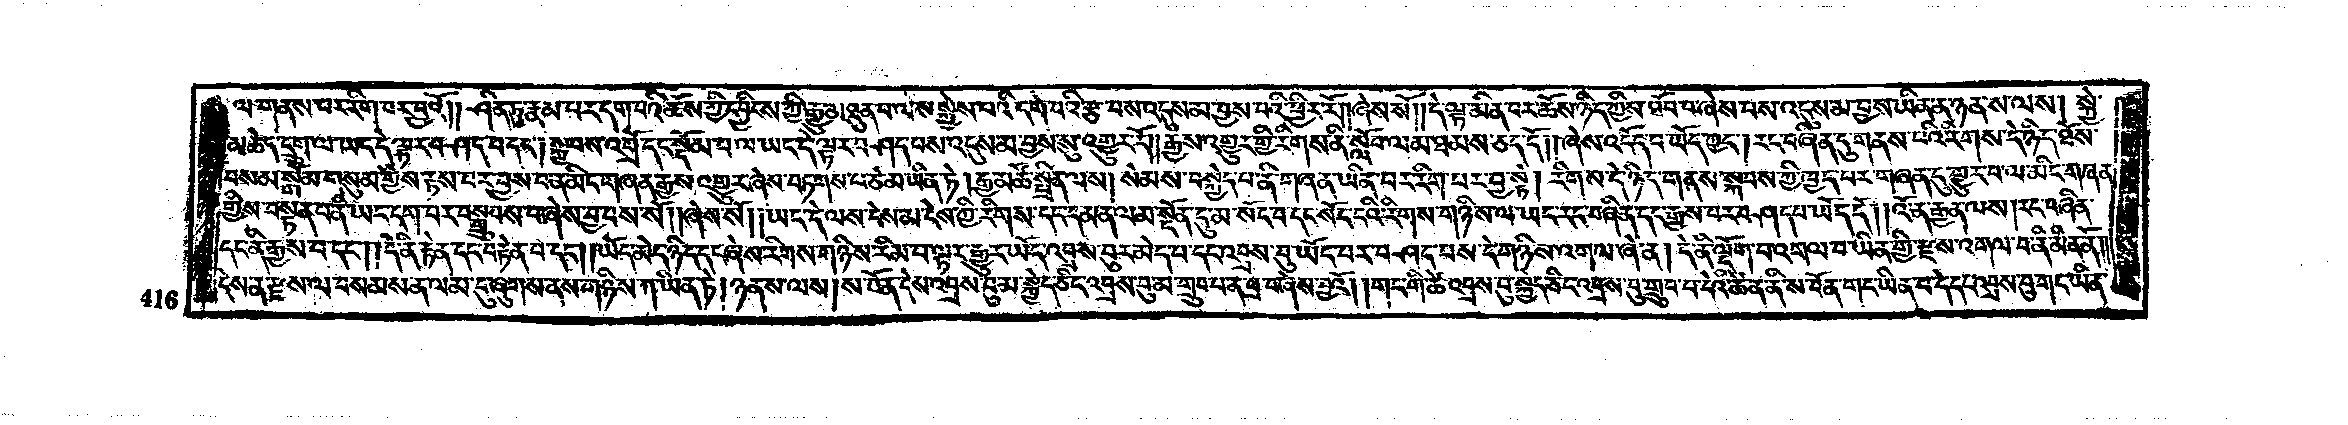ལ་གནས་པར་རིག་པར་བྱའོ། །ཤིན་ཏུ་རྣམ་པར་དག་པའི་ཆོས་ཀྱི་དབྱིངས་ཀྱི་རྒྱུ་མཐུན་པ་ལས་སྐྱེས་པའི་དགེ་བའི་རྩ་བས་འདུས་མ་བྱས་པའི་ཕྱིར་རོ། །ཞེས་སོ། །དེ་ལྟ་མིན་པར་ཆོས་ཉིད་ཀྱིས་ཐོབ་པ་ཞེས་པས་འདུས་མ་བྱས་ཡིན་ན་ཉན་ས་ལས། སྐྱེ་
མཆེད་དྲུག་ལ་ཡང་དེ་ལྟར་བཤད་པ་དང་། སྐྱབས་འགྲོ་དང་སྡོམ་པ་ལ་ཡང་དེ་ལྟར་བཤད་པས་འདུས་མ་བྱས་སུ་འགྱུར་རོ། །རྒྱས་འགྱུར་གྱི་རིགས་ནི་སློབ་ལམ་ཐམས་ཅད་དོ། །ཞེས་འདོད་པ་ཡོད་ཀྱང་། རང་བཞིན་དུ་གནས་པའི་རིགས་དེ་ཉིད་ཐོས་
བསམ་སྒོམ་གསུམ་གྱིས་རྟས་པར་བྱས་པ་ན་མིང་གཞན་རྒྱས་འགྱུར་ཞེས་བཏགས་པ་ཙམ་ཡིན་ཏེ། རྒྱ་མཚོ་སྤྲིན་ལས། སེམས་བསྐྱེད་པ་ནི་གཞན་ཡིན་པར་རིག་པར་བྱ་སྟེ། རིགས་དེ་ཉིད་གནས་སྐབས་ཀྱི་ཁྱད་པར་གཞན་དུ་གྱུར་པ་ལ་མིང་གཞན་
གྱིས་བསྟན་པ་ནི་ཡང་དག་པར་བསྒྲུབས་པ་ཞེས་བྱ་བས་སོ། །ཞེས་སོ། །ཡང་དེ་ལས་ངེས་མ་ངེས་ཀྱི་རིགས་དང་དམན་ལམ་སྔོན་དུ་མ་སོང་བ་དང་སོང་བའི་རིགས་གཉིས་ལ་ཡང་རང་བཞིན་དང་རྒྱས་པར་བཤད་པ་ཡོད་དོ། །འོ་ན་རྒྱན་ལས། རང་བཞིན་
དང་ནི་རྒྱས་པ་དང་། །དེ་ནི་རྟེན་དང་བརྟེན་པ་དང་། །ཡོད་མེད་ཉིད་དང་ཞེས་རིགས་གཉིས་རིམ་པ་ལྟར་རྒྱུར་ཡོད་འབྲས་བུར་མེད་པ་དང་འབྲས་བུ་ཡོད་པར་བཤད་པས་དེ་གཉིས་འགལ་ཞེ་ན། དེ་ནི་ལྡོག་པ་འགལ་བ་ཡིན་གྱི་རྫས་འགལ་བ་ནི་མིན་ནོ། །
དེས་ན་རྫས་ལ་བསམས་ན་ལམ་དུ་ཞུགས་ནས་གཉིས་ཀ་ཡིན་ཏེ། ཉན་ས་ལས། ས་བོན་དེས་འབྲས་བུ་མ་སྐྱེད་ཅིང་འབྲས་བུ་མ་གྲུབ་པ་ན་ཕྲ་བ་ཞེས་བྱའོ། །གང་གི་ཚེ་འབྲས་བུ་སྐྱེད་ཅིང་འབྲས་བུ་གྲུབ་པ་དེའི་ཚེ་ན་ནི་ས་བོན་གང་ཡིན་པ་དེ་དང་འབྲས་བུ་གང་ཡིན་